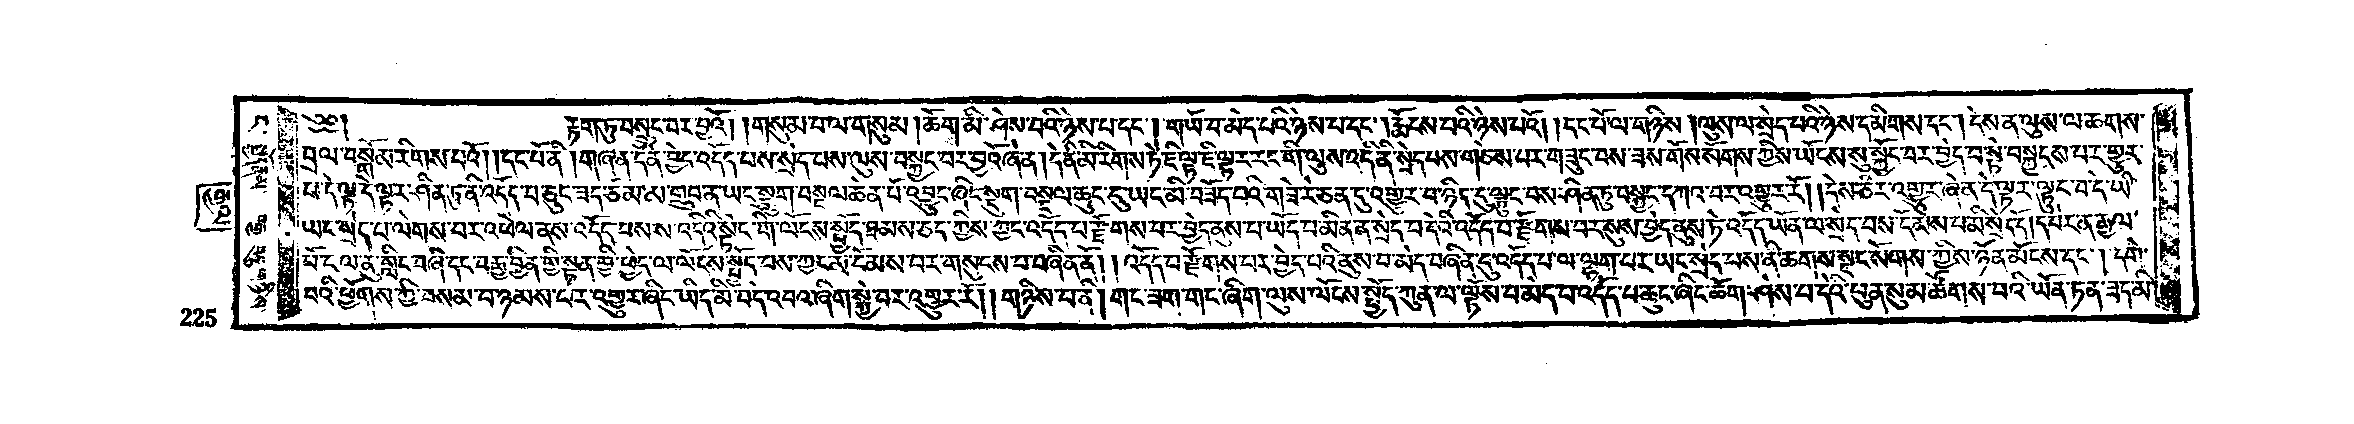༄༅། །རྟག་ཏུ་བསྲུང་བར་བྱའོ། །གསུམ་པ་ལ་གསུམ། ཆོག་མི་ཤེས་པའི་ཉེས་པ་དང་། རྨོངས་པའི་ཉེས་པའོ། །དང་པོ་ལ་གཉིས། ལུས་ལ་སྲེད་པའི་ཉེས་དམིགས་དང་། དེས་ན་ལུས་ལ་ཆགས་
བྲལ་བསྒོམ་རིགས་པའོ། །དང་པོ་ནི། གཞན་དོན་བྱེད་འདོད་པས་སྲེད་པས་ལུས་བསྐྱང་བར་བྱའོ་ཞེ་ན། དེ་ནི་མི་རིགས་ཏེ་ཇི་ལྟ་ཇི་ལྟར་རང་གི་ལུས་འདི་ནི་སྲེད་པས་གཅེས་པར་གཟུང་བས་ཟས་གོས་སོགས་ཀྱིས་ཡོངས་སུ་སྐྱོང་བར་བྱེད་པ་སྟེ་བསྐྱངས་པར་འགྱུར་
པ་དེ་ལྟ་དེ་ལྟར་ཤིན་ཏུ་ནི་འདོད་པ་ཅུང་ཟད་ཙམ་མ་གྲུབ་ན་ཡང་སྡུག་བསྔལ་ཆེན་པོ་འབྱུང་ཞིང་སྡུག་བསྔལ་ཆུང་ངུ་ཡང་མི་བཟོད་པའི་གཟེ་རེ་ཅན་དུ་འགྱུར་བ་ཉིད་དུ་ལྟུང་བས་ཤིན་ཏུ་བསྐྱང་དཀའ་བར་འགྱུར་རོ། །དེས་ཅིར་འགྱུར་ཞེ་ན་དེ་ལྟར་ལྟུང་བ་དེ་ཡི་
ཡང་སྲེད་པ་ལེགས་པར་འཕེལ་ནས་འདོད་པས་ས་འདིའི་སྟེང་གི་ལོངས་སྤྱོད་ཐམས་ཅད་ཀྱིས་ཀྱང་འདོད་པ་རྫོགས་པར་བྱེད་ནུས་པ་ཡོད་པ་མིན་ན་སྲེད་པ་དེའི་འདོད་པ་རྫོགས་པར་སུས་བྱེད་ནུས་ཏེ་འདོད་ཡོན་ལ་སྲེད་པས་དམོས་པ་མི་སྲིད་དོ། དཔེར་ན་རྒྱལ་
བོ་ང་ལ་ནུ་གླིང་བཞི་དང་བརྒྱ་བྱིན་གྱི་སྟན་གྱི་ཕྱེད་ལ་ལོངས་སྤྱོད་པས་ཀྱང་མ་ངོམས་པར་གསུང་པ་བཞིན་ནོ། །འདོད་པ་རྫོགས་པར་བྱེད་པའི་ནུས་པ་མེད་བཞིན་དུ་འདོད་པ་ལ་ལྷག་པར་ཡང་སྲེད་པས་ནི་ཆགས་སྡང་སོགས་ཀྱིས་ཉོན་མོངས་དང་། དགེ་
བའི་ཕྱོགས་ཁྱི་བསམ་པ་ཉམས་པར་འགྱུར་ཞིང་ཡིད་མི་བདེ་འབའ་ཞིག་སྐྱེ་བར་འགྱུར་རོ། །གཉིས་པ་ནི། གང་ཟག་གང་ཞིག་ལུས་ལོངས་སྤྱོད་ཀུན་ལ་ལྟོས་པ་མེད་པ་འདོད་པ་ཆུང་ཞིང་ཆོག་ཤེས་པ་དེའི་ཕུན་སུམ་ཚོགས་པའི་ཡོན་ཏན་ཟད་མི་